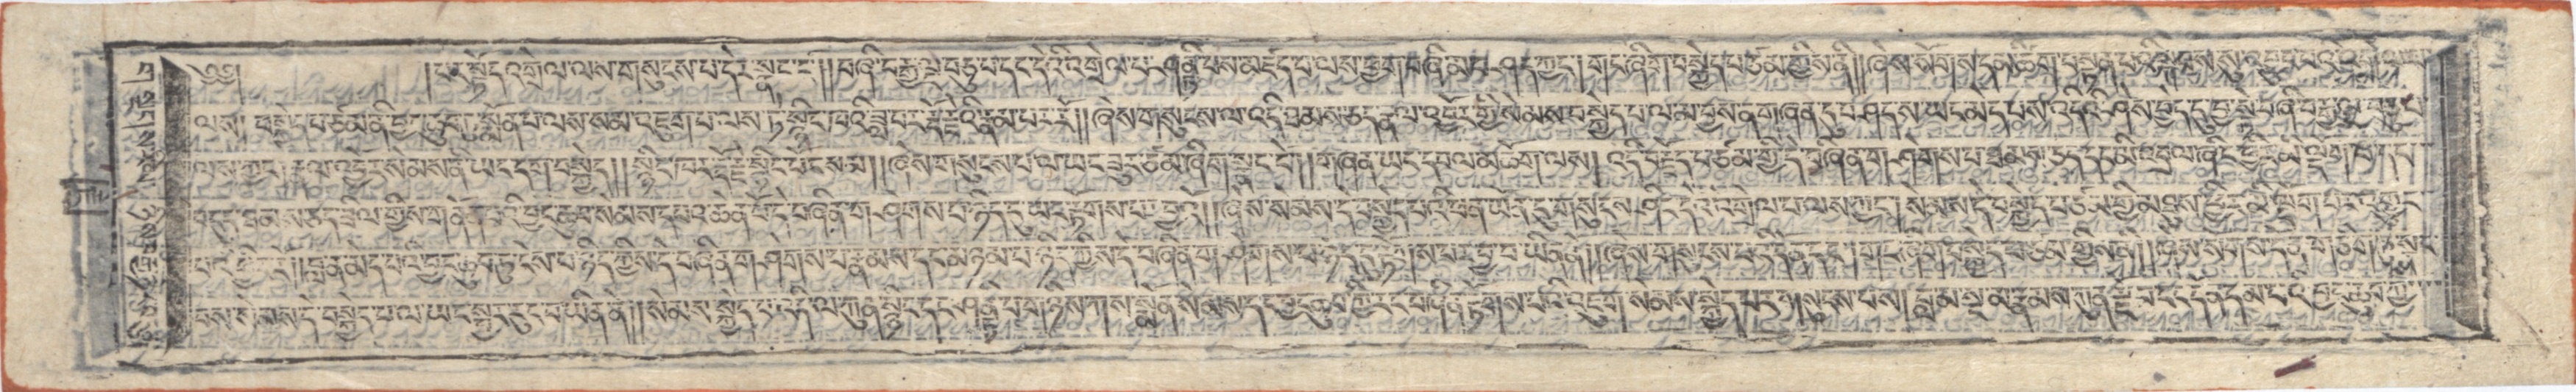༄༅། །པར་སྟོད་འགྲེལ་ལས་གསུངས་པ་དེར་སྣང་ངོ། །བཞི་བརྒྱ་ལྔ་བཅུ་པ་དང་དེའི་འགྲེལ་པ་ཤནྟི་པས་མཛད་པ་ལས་ཕྱག་བཞི་མ་བཤད་ཀྱང་། གང་ཞིག་བསྐྱེད་པ་ཙམ་གྱིས་ནི། །ཞེས་སོགས་དམ་ཚིག་བསྟན་པའི་སྐབས་སུ་འབྱུང་བའི་འགྲེལ་པ་
ལས། བསྐྱེད་པ་ཙམ་ནི་བྱང་ཆུབ་ཏུ་སྨོན་པ་ལས་སམ་འཇུག་པ་ལས་ཏེ་སྙིང་ཁའི་ཟླ་བར་རྡོ་རྗེའི་རྣམ་པར་རོ། །ཞེས་གསུངས་ལ་འདི་ཐམས་ཅད་རྣལ་འབྱོར་གྱི་སེམས་བསྐྱེད་པ་ལ་མ་བྱས་ན་གཞན་དུ་བཤད་ས་ཡང་མེད་པས་འདིའི་ཤེས་བྱེད་དུ་བྱ་སྟེ་བཞི་བརྒྱ་ལྔ་བཅུ་པ་
ལས་ཀྱང་། རྣལ་འབྱོར་སེམས་ནི་ཡང་དག་བསྐྱེད། །སྙིང་ཁར་རྡོ་རྗེ་སྙིང་པོ་བསམ། །ཞེས་གསུངས་པ་ལ་ཡང་ཟུར་ཙམ་ཞིག་སྣང་ངོ། །གཞན་ཡང་དཔལ་མཆོག་ལས། འདི་བརྗོད་པ་ཙམ་གྱི་དེ་བཞིན་གཤེགས་པ་ཐམས་ཅད་དང་མི་འབྲལ་ཞིང་ཕྱིར་མི་ལྡོག་པ་དང་
བདུད་ཐམས་ཅད་ཟིལ་གྱིས་གནོན་པའི་བྱང་ཆུབ་སེམས་དཔའ་ཆེན་པོ་དེ་བཞིན་གཤེགས་པ་ཉིད་དུ་ཡང་རྟོགས་པར་བྱའོ། །ཞེས་སེམས་དེ་བསྐྱེད་པའི་ཕན་ཡོན་དུ་གསུངས་ཤིང་དེའི་འགྲེལ་པ་ལས་ཀྱང་། སེམས་དེ་བསྐྱེད་པ་ཙམ་གྱི་མཐུས་ཕྱིར་མི་ལྡོག་པར་འགྱུར་
པའི་ཕྱིར་རོ། །བླ་ན་མེད་པའི་བྱང་ཆུབ་ཏུ་ངེས་པ་ཉིད་ཀྱིས་དེ་བཞིན་གཤེགས་པ་རྣམས་དང་མཉམ་པ་ཉིད་ཀྱིས་དེ་བཞིན་གཤེགས་པ་ཉིད་དུ་རྟོགས་པར་བྱ་བ་ཡིན་ནོ། །ཞེས་གསུངས་པའི་དོན་དང་། གང་ཞིག་བསྐྱེད་པ་ཙམ་གྱིས་ནི། །ཞེས་སོགས་དོན་གཅིག་ཏུ་སྣང་
བས་སེམས་དེ་བསྐྱེད་པ་ལ་ཡང་སྦྱར་རུང་བ་ཡིན་ནོ། །སེམས་སྐྱེད་པ་འདི་ལ་ཀུན་སྙིང་དང་ཤནྟི་པ་གཉིས་ཀས་སྨོན་སེམས་དང་བྱང་ཆུབ་ཀྱི་རང་བཞིན་རྟོགས་པའི་འཇུག་སེམས་སྐྱེད་པར་གསུངས་པས། བླ་མ་སྔ་མ་རྣམས་ཀུན་རྫོབ་དང་དོན་དམ་པའི་བྱང་ཆུབ་ཀྱི་